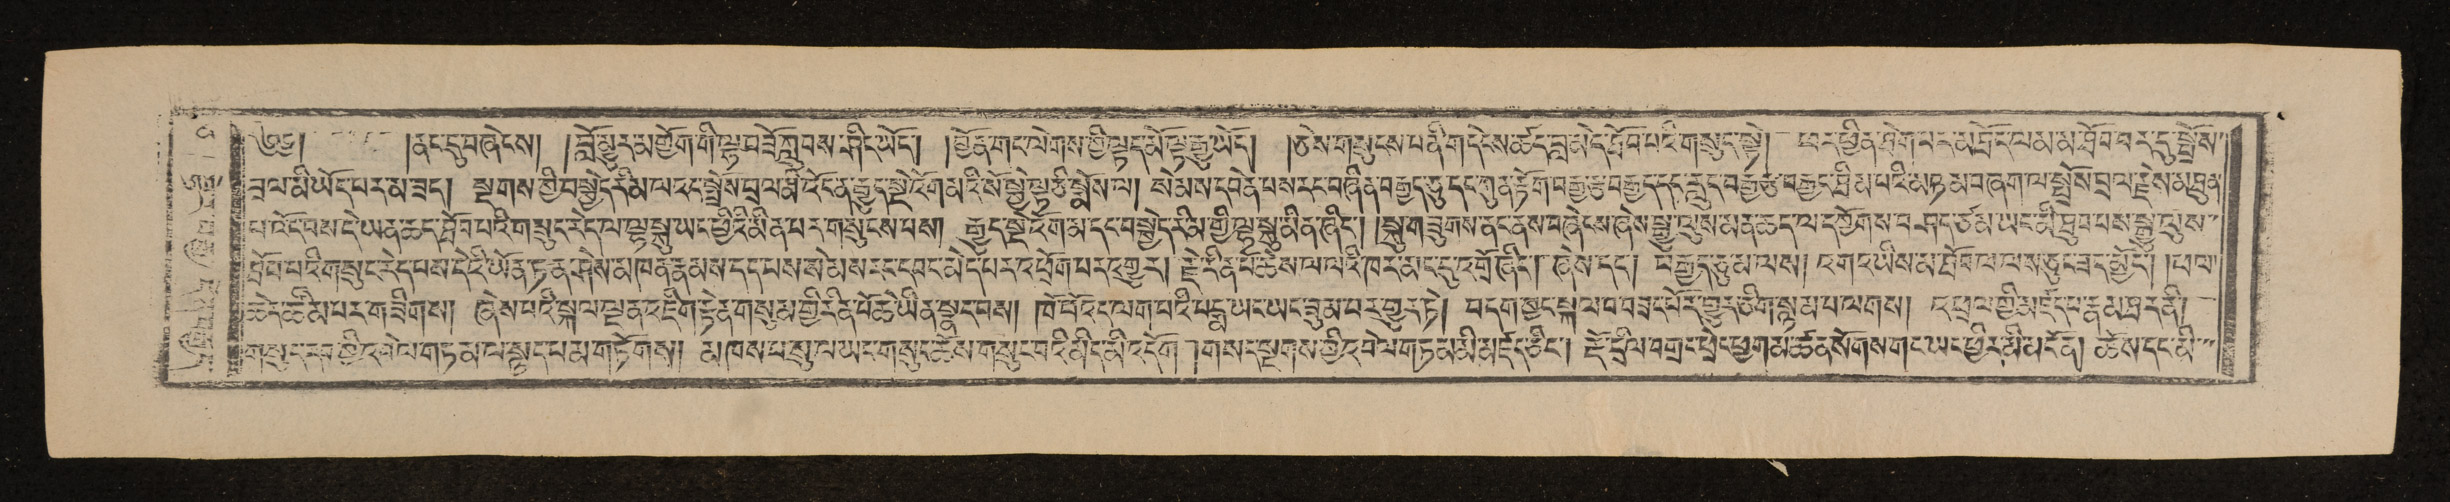༄༅། །ནང་དུ་བཞེངས། །བློ་མྱུར་མགྱོག་གི་ལྷ་བཟོ་ཀླུབས་ཤིང་ཡོད། །བྱོན་གང་ལེགས་ཀྱི་ལྟད་མོ་ལྟ་རྒྱུ་ཡོད། །དེས་གསུངས་པ་ནི་གདེངས་ཚད་བླ་མེད་ཐོབ་པའི་གསུང་སྟེ། ཕར་ཕྱིན་ཐེག་པར་མཐོང་ལམ་མ་ཐོབ་པར་དུ་སྤྲོས་
བྲལ་མི་ཡོང་བར་མ་ཟད། སྔགས་ཀྱི་བསྐྱེད་རིམ་ལའང་སྤྲོས་བྲལ་མི་འོང་ན་རྒྱུད་སྡེ་འོག་མའི་སོ་སྐྱེ་ལྟ་ཅི་སྨོས་ལ། སེམས་དབེན་པས་རང་བཞིན་བརྒྱད་ཅུ་དང་ཀུན་རྟོག་བརྒྱ་རྩ་བརྒྱད་དང་རླུང་བརྒྱ་རྩ་བརྒྱད་ཐིམ་པའི་མཉམ་བཞག་ལ་སྤྲོས་བྲལ་རྗེས་མཐུན་
པ་འོང་བས་དེ་ཡན་ཆད་ཐོབ་པའི་གསུང་རེད་ལ་ལྷ་སྐུ་ཡང་ཕྱིའི་མིན་པར་གསུངས་པས། རྒྱུད་སྡེ་འོག་མ་དང་བསྐྱེད་རིམ་གྱི་ལྷ་སྐུ་མིན་ཞིང་། སྐུ་གཟུགས་ནང་ནས་བཞེངས་ཞེས་སྒྱུ་ལུས་མན་ཆད་ལ་དཀྱོགས་བཤད་ཙམ་ཡང་མི་ཐུབ་པས་སྒྱུ་ལུས་
ཐོབ་པའི་གསུང་རེད་པས་དེའི་ཡོན་ཏན་ཤེས་མཁན་རྣམས་དད་པས་སེམས་རང་དབང་མེད་པར་འཕྲོག་པར་འགྱུར། རྗེ་རིན་པོ་ཆེས་ལ་ལའི་ཁར་མང་དུ་འགྲོ་ཞིང་། ཞེས་དང་། བརྒྱད་ཅུ་མ་ལས། འགའ་ཡིས་མ་ཐོབ་ལ་ལས་ཅུང་ཟད་མྱོང་། །ཕལ་
ཆེར་ཚིམ་པར་གཟིགས། ཞེས་པའི་སྐལ་ལྡན་འཇིག་རྟེན་གསུམ་གྱི་རིན་པོ་ཆེ་ཡིན་སྣང་བས། ཁོ་བོའང་ལག་པའི་པདམ་ཡང་ཡང་ཟུམ་པར་གྱུར་ཏེ། བདག་ཀྱང་སྐལ་བ་བཟང་པོར་གྱུར་ཅིག་སྙམ་པ་ལགས། འཕྲལ་གྱི་མཛད་པ་རྣམ་ཐར་ནི།
གསུང་རབ་ཀྱི་འབེལ་གཏམ་ལ་སྙད་པ་མ་གཏོགས། མཁས་པ་སུ་ལ་ཡང་གསུང་ཆོས་གསུང་བའི་མིང་མི་འདོག །གསང་སྔགས་ཀྱི་འབེལ་གཏམ་མི་མཛད་ཅིང་། རྡོ་དྲིལ་བགྲང་ཕྲེང་ཕྱག་མཚན་སོགས་གང་ཡང་ཕྱིར་མི་མངོན། ཆོས་དང་མི་